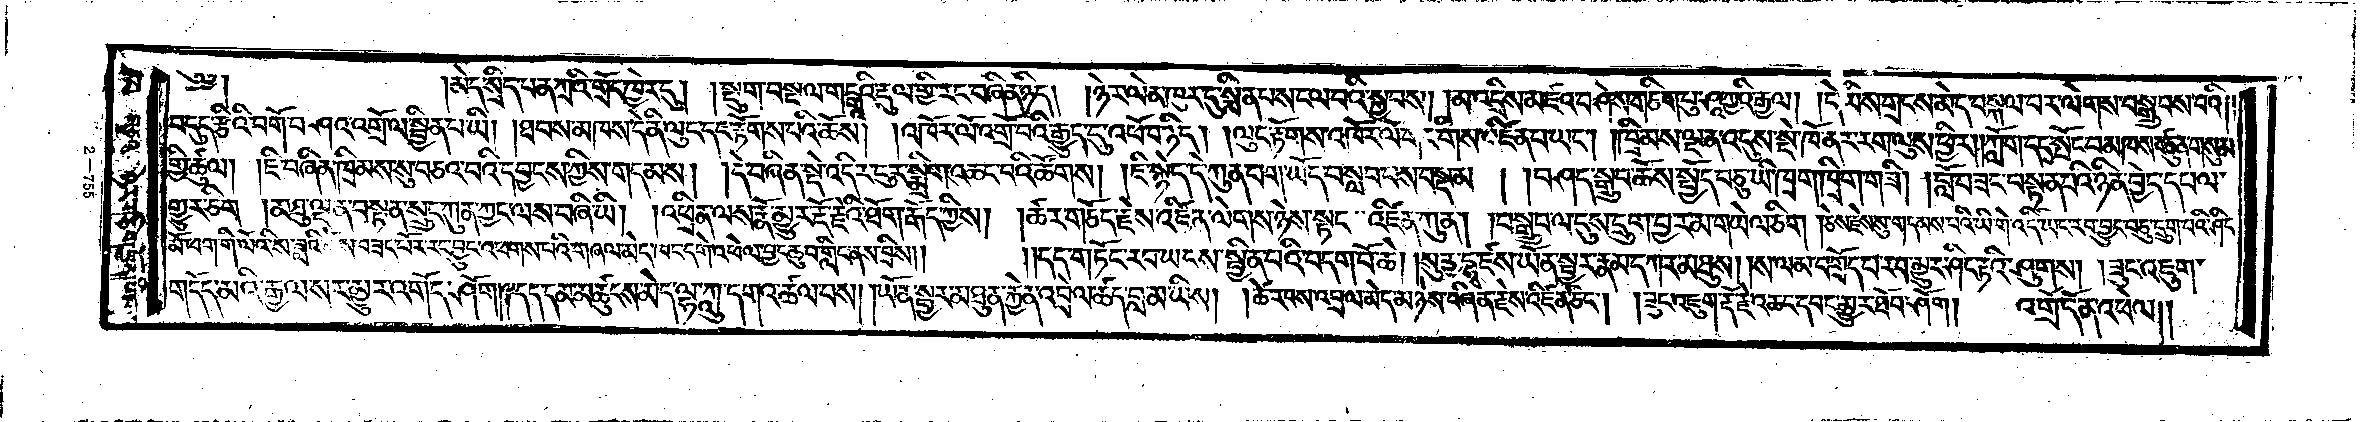༄༅། །མེད་སྲིད་པན་ཀྲའི་གྲོང་ཁྱེར་དུ། །སྡུག་བསྔལ་གངྒཱའི་རྡུལ་གྱི་རང་བཞིན་ཉིད། །ཉེར་ལེན་ཁུར་དུ་སྨིན་པས་ངལ་བའི་སྐྱབས། །མ་འདྲིས་མཛའ་བཤེས་གཅིག་པུ་ཤཱཀྱའི་རྒྱལ། །དེ་ཡིས་གྲངས་མེད་བསྐལ་བར་ལེགས་བསྒྲུབས་པའི།།
བདུད་རྩིའི་བགོ་བཤའ་འགྲོལ་སྦྱིན་པ་ཡི། །ཐབས་མཁས་དེ་ནི་ལུང་དང་རྟོགས་པའི་ཆོས། །འཁོར་ལོ་འགྲོ་བའི་རྒྱུད་དུ་འཕོ་བ་ཉིད། །ལུང་རྟོགས་འཁོར་ལོ་གང་གིས་འཛིན་པ་ཡང་། །ཁྲིམས་ལྡན་འདུས་སྡེ་ཁོ་ནར་རག་ལུས་ཕྱིར། །ཀློག་དང་སྤོང་བ་མཁས་བཙུན་གསུམ་
གྱི་ཚུལ། །ཇི་བཞིན་ཁྲིམས་སུ་བཅའ་བའི་དབྱངས་ཀྱིས་གདམས། །དེ་བཞིན་སྡེ་འདིར་ངུར་སྨྲིག་འཆང་བའི་ཚོགས། །ཇི་སྙེད་དེ་ཀུན་བག་ཡད་བསླབ་པས་བསྡམ། །བཤད་སྒྲུབ་ཆོས་སྤྱོད་བཅུ་ཡི་ཁྲག་ཁྲིག་གཟི། །བློ་བཟང་བསྟན་པའི་ཉིན་བྱེད་དཔལ་
གྱུར་ཅིག །མཐུ་ལྡན་བསྟན་སྲུང་ཀུན་ཀྱང་ལས་བཞི་ཡི། །འཕྲིན་ལས་རྣོ་མྱུར་རྡོ་རྗེའི་ཐོག་རྒོད་ཀྱིས། །ཚར་གཅོད་རྗེས་འཛིན་ལེགས་ཉེས་སྟང་འཛིན་ཀུན། །བསྒྲུབ་ལ་དུས་དྲུག་བྱར་མ་གཡེལ་ཅིག །ཅེས་རྗེས་སུ་གདམས་པའི་ཡི་གེ་འདི་ཡང་རབ་བྱུང་བཅུ་དྲུག་པའི་ཤིང་
མོ་ཕག་གི་ལོའི་ས་ཟླའི་ཚེས་བཟང་པོར་རང་བྱུང་འཕགས་པའི་གཞལ་མེད་ཁང་དགེ་འཕེལ་བྱང་ཆུབ་གླིང་ནས་བྲིས།། །།དད་གཏོང་རབ་ཡངས་སྦྱིན་པའི་བདག་པོ་ཆེ། །སུརྱ་དྷྭ་ཛས་ཡོན་སྦྱར་རྣམ་དཀར་མཐུས། །ས་ལམ་བགྲོད་པ་རབ་མྱུར་ཤིང་རྟའི་ཤུགས། །ཟུང་འཇུག་
གདོད་མའི་རྒྱལ་སར་མྱུར་འགོད་ཤོག ། ༈ དད་དམ་མཚུངས་མེད་ལྷ་ཀླུ་དགའ་ཚལ་བས། །ཡོན་སྦྱར་མཐུན་རྐྱེན་འབྲེལ་ཚད་བླ་མ་ཡིས། །ཚེ་རབས་འབྲལ་མེད་མཉེས་བཞིན་རྗེས་འཛིན་ཅིང་། །ཟུང་འཇུག་རྡོ་རྗེ་འཆང་དབང་མྱུར་ཐོབ་ཤོག །  འགྲོ་དོན་འཕེལ།།